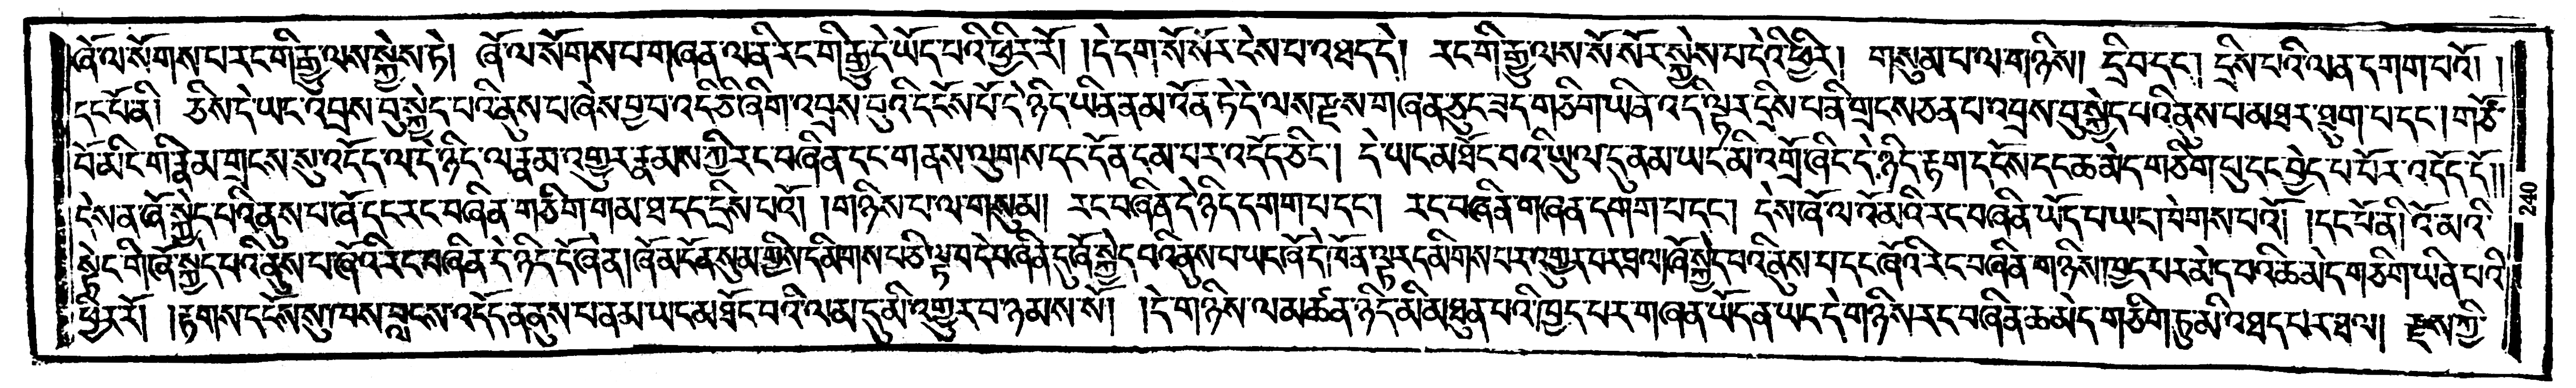ཞོ་ལ་སོགས་པ་རང་གི་རྒྱུ་ལས་སྐྱེས་ཏེ། ཞོ་ལ་སོགས་པ་གཞན་ལ་ནི་རང་གི་རྒྱུ་དེ་ཡོད་པའི་ཕྱིར་རོ། །དེ་དག་སོ་སོར་ངེས་པ་འཐད་དེ། རང་གི་རྒྱུ་ལས་སོ་སོར་སྐྱེས་པ་དེའི་ཕྱིར། གསུམ་པ་ལ་གཉིས། དྲི་བ་དང་། དྲིས་པའི་ལན་དགག་པའོ། །
དང་པོ་ནི། ཅིས་དེ་ཡང་འབྲས་བུ་སྐྱེད་པའི་ནུས་པ་ཞེས་བྱ་བ་འདི་ཅི་ཞིག་འབྲས་བུའི་དངོས་པོ་དེ་ཉིད་ཡིན་ནམ་འོ་ན་ཏེ་དེ་ལས་རྫས་གཞན་ཅུང་ཟད་གཅིག་ཡིན་འདི་ལྟར་དྲིས་པ་ནི་གྲངས་ཅན་པ་འབྲས་བུ་སྐྱེད་པའི་ནུས་པ་མཐར་ཐུག་པ་དང་། གཙོ་
བོ་མིང་གི་རྣམ་གྲངས་སུ་འདོད་ལ་དེ་ཉིད་ལ་རྣམ་འགྱུར་རྣམས་ཀྱི་རང་བཞིན་དང་གནས་ལུགས་དང་དོན་དམ་པར་འདོད་ཅིང་། དེ་ཡང་མི་ཐོང་བའི་ཡུལ་དུ་ནམ་ཡང་མི་འགྲོ་ཞིང་དེ་ཉིད་རྟག་དངོས་དང་ཆ་མེད་གཅིག་པུ་དང་བྱེད་པ་པོར་འདོད་དོ།།
དེས་ན་ཞོ་སྐྱེད་པའི་ནུས་པ་ཞོ་དང་རང་བཞིན་གཅིག་གམ་ཐ་དད་དྲིས་པའོ། །གཉིས་པ་ལ་གསུམ། རང་བཞིན་དེ་ཉིད་དགག་པ་དང་། རང་བཞིན་གཞན་དགག་པ་དང་། དེས་ཞོ་ལ་འོ་མའི་རང་བཞིན་ཡོད་པ་ཡང་ཁེགས་པའོ། །དང་པོ་ནི། འོ་མའི་
སྟེང་གི་ཞོ་སྐྱེད་པའི་ནུས་པ་ཞོའི་རང་བཞིན་དེ་ཉིད་དོ་ཞེ་ན། ཞོ་མངོན་སུམ་གྱིས་དམིགས་པ་ཅི་ལྟ་བདེ་བཞིན་དུ་ཞོ་སྐྱེད་པའི་ནུས་པ་ཡང་ཞོ་དེ་ཁོ་ན་ལྟར་དམིགས་པར་འགྱུར་པར་ཐལ། ཞོ་སྐྱེད་པའི་ནུས་པ་དང་ཞོའི་རང་བཞིན་གཉིས་ཁྱད་པར་མེད་པའི་ཆ་མེད་གཅིག་ཡིན་པའི་
ཕྱིར་རོ། །རྟགས་དངོས་སུ་ཁས་བླངས་འདོད་ན་ནུས་པ་ནམ་ཡང་མཐོང་བའི་ལམ་དུ་མི་འགྱུར་པ་ཉམས་སོ། །དེ་གཉིས་ལ་མཚན་ཉིད་མི་མཐུན་པའི་ཁྱད་པར་གཞན་ཡོད་ན་ཡང་དེ་གཉིས་རང་བཞིན་ཆ་མེད་གཅིག་ཏུ་མི་འཐད་པར་ཐལ། རྫས་ཀྱི་